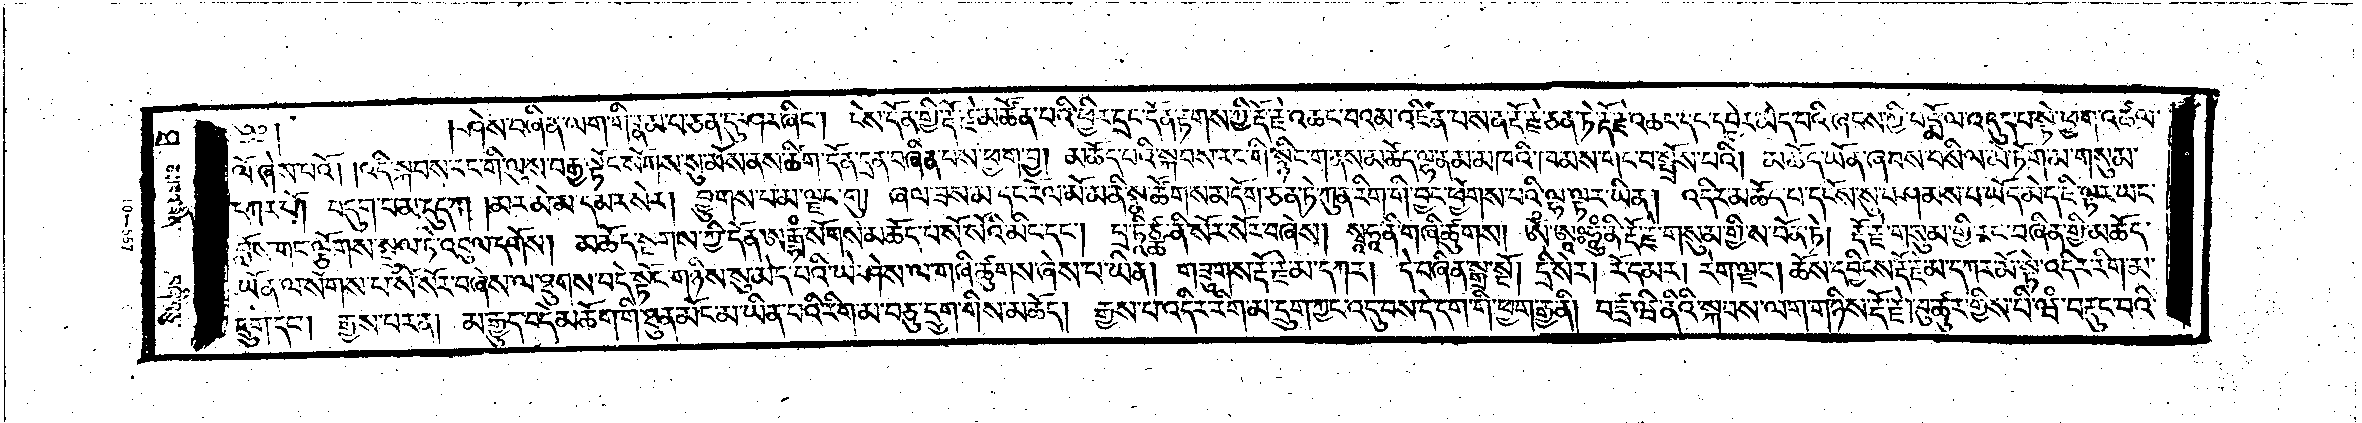༄༅། །ཤེས་བཞིན་ལག་གི་རྣམ་པ་ཅན་དུ་ཤར་ཞིང་། ངེས་དོན་གྱི་རྡོ་རྗེ་མཚོན་པའི་ཕྱིར་དྲང་དོན་རྟགས་ཀྱི་རྡོ་རྗེ་འཆང་བའམ་འཛིན་པས་ན་རྡོ་རྗེ་ཅན་ཏེ་རྡོ་རྗེ་འཆང་དང་དབྱེར་མེད་པའི་ཞབས་ཀྱི་པདམོ་ལ་འདུད་པ་སྟེ་ཕྱག་འཚལ་
ལོ་ཞེས་པའོ། །འདི་སྐབས་རང་གི་ལུས་བརྒྱ་སྟོང་སོགས་སུ་མོས་ནས་ཚིག་དོན་དྲན་བཞིན་པས་ཕྱག་བྱ། མཆོད་པའི་སྐབས་རང་གི་སྙིང་གནས་མཆོད་ལྷ་ནམ་མཁའི་ཁམས་གང་བ་སྤྲོས་པའི། མཆོད་ཡོན་ཞབས་བསིལ་མེ་ཏོག་མ་གསུམ་
དཀར་པོ། བདུག་པ་མ་དུད་ཀ །མར་མེ་མ་དམར་སེར། བྱུགས་པ་མ་ལྗང་གུ། ཞལ་ཟས་མ་དང་རོལ་མོ་མ་ནི་སྣ་ཚོགས་མདོག་ཅན་ཏེ་ཀུན་རིག་གི་བྱང་ཕྱོགས་པའི་ལྷ་ལྟར་ཡིན། འདིར་མཆོད་པ་དངོས་སུ་བཤམས་པ་ཡོད་མེད་ཇི་ལྟར་ཡང་
བློས་གང་ལྕོགས་སྤྲུལ་ཏེ་འབུལ་དགོས། མཆོད་སྔགས་ཀྱི་དོན་ཨརྒྷཾ་སོགས་མཆོད་པ་སོ་སོའི་མིང་དང་། པྲ་ཏཱི་ཙྪ་ནི་སོར་སོར་བཞེས། སྭཱ་ཧཱ་ནི་གཞི་ཚུགས། ཨོཾ་ཨཱཿ ཧཱུཾ་ནི་རྡོ་རྗེ་གསུམ་གྱི་ས་བོན་ཏེ། རྡོ་རྗེ་གསུམ་གྱི་རང་བཞིན་གྱི་མཆོད་
ཡོན་ལ་སོགས་པ་སོ་སོར་བཞེས་ལ་ཐུགས་བདེ་སྟོང་གཉིས་སུ་མེད་པའི་ཡེ་ཤེས་ལ་གཞེ་ཚུགས་ཞེས་པ་ཡིན། གཟུགས་རྡོ་རྗེ་མ་དཀར། དེ་བཞིན་སྒྲ་སྔོ། དྲི་སེར། རོ་དམར། རེག་ལྗང་། ཆོས་དབྱིངས་རྡོ་རྗེ་མ་དཀར་མོ་སྟེ་འདིར་རིག་མ་
དྲུག་དང་། རྒྱས་པར་ན། མ་རྒྱུད་བདེ་མཆོག་གི་ཐུན་མོང་མ་ཡིན་པའི་རིག་མ་བཅུ་དྲུག་གིས་མཆོད། རྒྱས་པ་འདིར་རིག་མ་དྲུག་ཀྱང་འདུ་བས་དེ་དག་གི་ཕྱག་རྒྱ་ནི། བཛྲ་ཝི་ནིའི་སྐབས་ལག་གཉིས་རྡོ་རྗེ་ཁུ་ཚུར་གྱིས་པི་ཝཾ་བརྡུང་བའི་